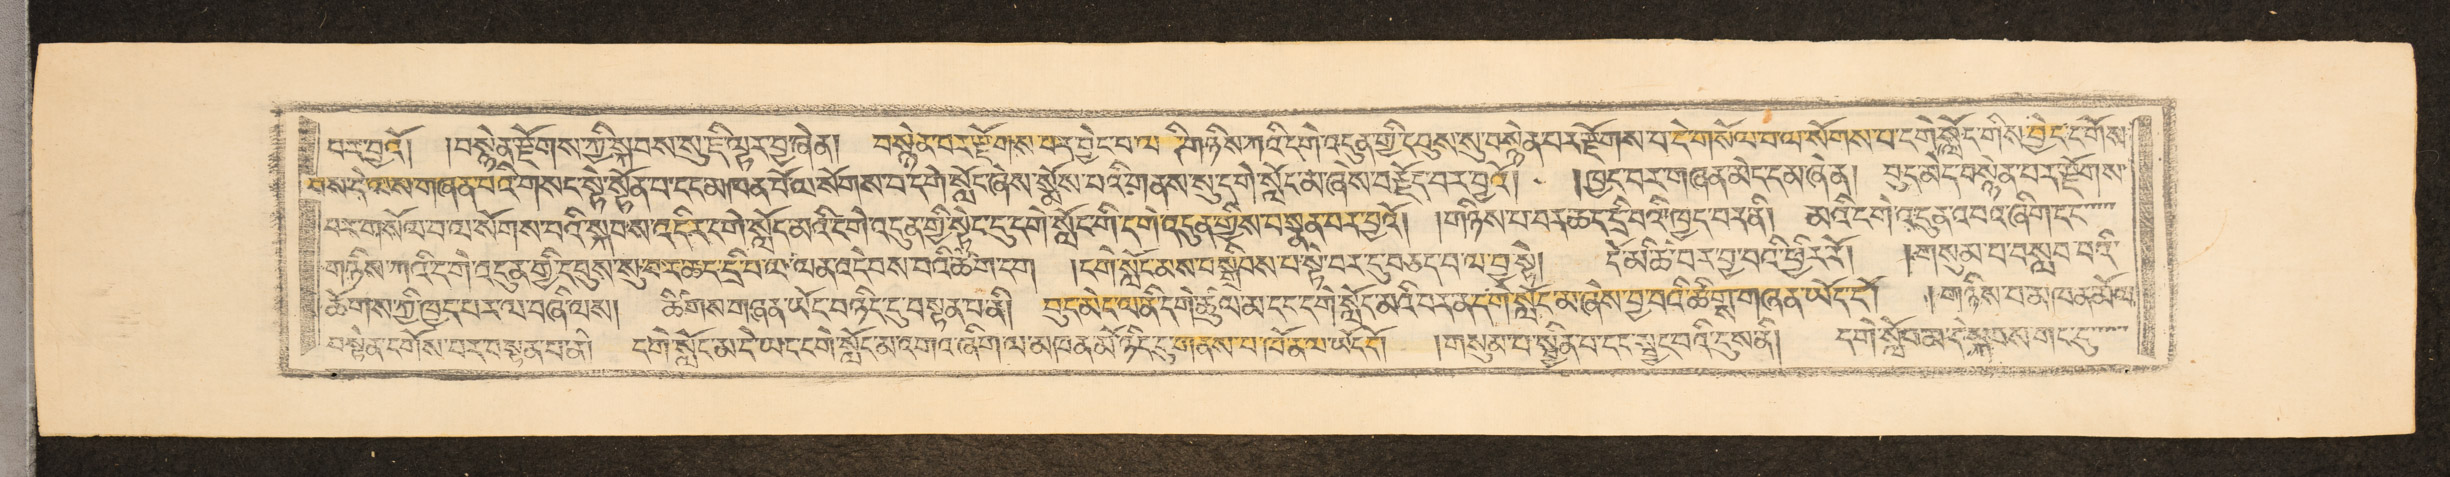བར་བྱའོ། །བསྙེན་རྫོགས་ཀྱི་སྐབས་སུ་ཇི་ལྟར་བྱ་ཞེ་ན། བསྙེན་པར་རྫོགས་པར་བྱེད་པ་ལ་ནི་གཉིས་ཀའི་དགེ་འདུན་གྱི་དབུས་སུ་བསྙེན་པར་རྫོགས་པ་དེ་གསོལ་བ་ལ་སོགས་པ་དགེ་སློང་གིས་བྱེད་དགོས་
བས་དེ་ལས་གཞན་པའི་གསང་སྟེ་སྟོན་པ་དང་མཁན་པོ་ལ་སོགས་པ་དགེ་སློང་ཞེས་སྨོས་པའི་གནས་སུ་དགེ་སློང་མ་ཞེས་བརྗོད་པར་བྱའོ། །ཁྱད་པར་གཞན་མེད་དམ་ཞེ་ན། བུད་མེད་བསྙེན་པར་རྫོགས་
པར་གསོལ་བ་ལ་སོགས་པའི་སྐབས་འདིར་དགེ་སློང་མའི་དགེ་འདུན་གྱི་སྟེང་དུ་དགེ་སློང་གི་དགེ་འདུན་གྱིས་བསྣན་པར་བྱའོ། །གཉིས་པ་བར་ཆད་དྲི་བའི་ཁྱད་པར་ནི། མའི་དགེ་འདུན་འབའ་ཞིག་དང་
གཉིས་ཀའི་དགེ་འདུན་གྱི་དབུས་སུ་བར་ཆད་དྲི་བ་ལ་ལན་འདེབས་པའི་ཚིག་དག །དགེ་སློང་མས་བསྒྲིབས་པ་སྟེ་བར་དུ་བཅད་པ་ལ་བྱ་སྟེ། ངོ་མ་ཚི་བར་བྱ་བའི་ཕྱིར་རོ། །གསུམ་པ་བསླབ་པའི་
ཚིགས་ཀྱི་ཁྱད་པར་ལ་བཞི་ལས། ཚིགས་གཞན་ཡོད་པ་ཉིད་དུ་བསྟན་པ་ནི། བུད་མེད་ལ་ནི་དགེ་ཚུལ་མ་དང་དགེ་སློང་མའི་བར་ན་དགེ་སློབ་མ་ཞེས་བྱ་བའི་ཚིགས་གཞན་ཡོད་དོ། །གཉིས་པ་མཁན་མོལ་
བསྟེན་དགོས་བར་བསྟམས་པ་ནི། དགེ་སློང་མ་དེ་ཡང་དགེ་སློང་མ་འགའ་ཞིག་ལ་མཁན་མོ་ཉིད་དུ་གནས་པ་ཁོ་ན་ལ་ཡོད་དོ། །གསུམ་པ་སྦྱིན་པ་དང་སྦྱང་བའི་དུས་ནི། དགེ་སློབ་མ་དེ་སྐབས་གང་དུ་